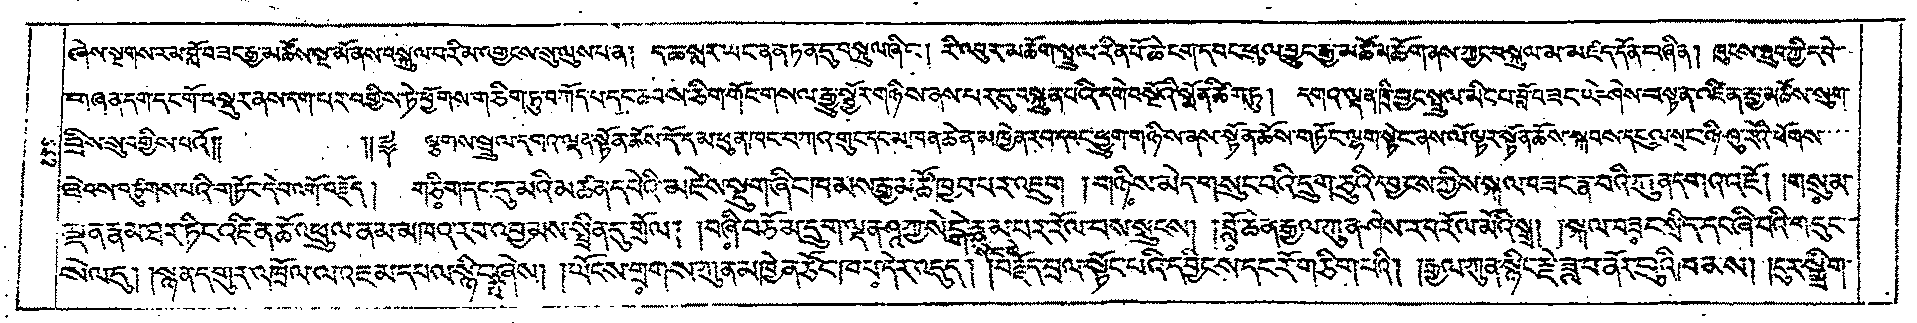ཞེས་སྔགས་རམ་བློ་བཟང་རྒྱ་མཚོས་སྔ་མོ་ནས་བསྐུལ་བ་རིམ་འགྱངས་སུ་ལུས་པ་ན། ད་ཆ་སླར་ཡང་ནན་ཏན་དུ་བསྐུལ་ཞིང་། རི་འབུར་མཆོག་སྤྲུལ་རིན་པོ་ཆེ་ངག་དབང་ཕུལ་བྱུང་རྒྱ་མཚོ་མཆོག་ནས་ཀྱང་བསྐུལ་མ་མཛད་དོན་བཞིན། ཁུངས་ཐུབ་ཀྱི་དཔེ་
གཞན་དག་དང་གོ་བསྡུར་ནས་དག་པར་བགྱིས་ཏེ་ཕྱོགས་གཅིག་ཏུ་བཀོད་པ་དང་ཆབས་ཅིག་གོང་གསལ་རྒྱུ་སྦྱོར་གཉིས་ནས་པར་དུ་བསྐྲུན་པའི་དགེ་བསྔོའི་སྨོན་ཚིག་ཏུ། དགའ་ལྡན་ཁྲི་བྱང་སྤྲུལ་མིང་པ་བློ་བཟང་ཡེ་ཤེས་བསྟན་འཛིན་རྒྱ་མཚོས་སུག་
བྲིས་སུ་བགྱིས་པའོ།། །། ༈ ལྕགས་སྦྲུལ་དགའ་ལྡན་སྟོན་ཆོས་དོ་དམ་ཕུན་ཁང་བཀའ་གུང་དང་མཁན་ཆེན་མཁྱེན་རབ་དབང་ཕྱུག་གཉིས་ནས་སྟོན་ཆོས་གཏོང་ལྷག་སྟེང་ནས་ལོ་ལྟར་སྟོན་ཆོས་སྐབས་དངུལ་སྲང་ཉི་ཤུ་རེའི་ཕོགས་
ཐེབས་བཙུགས་པའི་གཏོང་དེབ་འགོ་བརྗོད། གཅིག྾་དང་དུ་མའི་མཚན་དཔེའི་མཛེས་སྡུག་ཞིང་ཁམས་རྒྱ་མཚོ་ཁྱབ་པར་འཇུག །གཉིས྾་མེད་གསུང་བའི་དྲུག་ཅུའི་དབྱངས་ཀྱིས་སྐལ་བཟང་རྣ་བའི་ཀུན་དགའ་འཇོ། །གསུམ྾་
ལྡན་རྣམ་ཐར་ཏིང་འཛིན་ཆོ་འཕྲུལ་ནམ་མཁའ་རབ་འབྱམས་སྤྲིན་དུ་གྲོལ། །བཞི྾་བཅོམ་དྲུག་ལྡན་ཤཱཀྱ་སེངྒེ་སེང་གེ་རྣམ་པར་རོལ་བས་སྲུངས། །བློ྾་ཆེན་རྒྱལ་ཀུན་ཤེས་རབ་རོལ་མོའི་སྒྲ། །སྐལ་བཟང྾་སྲིད་དང་ཞི་བའི་གདུང་
སེལ་དུ། །སྙན་དགུར་འཁྲོལ་ལ་འཇམ་དཔལ་སྙིང་པོ་ཞེས། །ཡོངས་གྲགས྾་ཀུན་མཁྱེན་ཙོང་ཁ་པ྾་དེར་འདུད། །བརྗོད་བྲལ་སྟོང་པའི་དབྱིངས་དང་རོ་གཅིག་པའི། །རྒྱལ་ཀུན་སྙིང་རྗེ་ཟླ་བ་ནོར་བུའི་ཁམས། །ངུར་སྨྲིག་